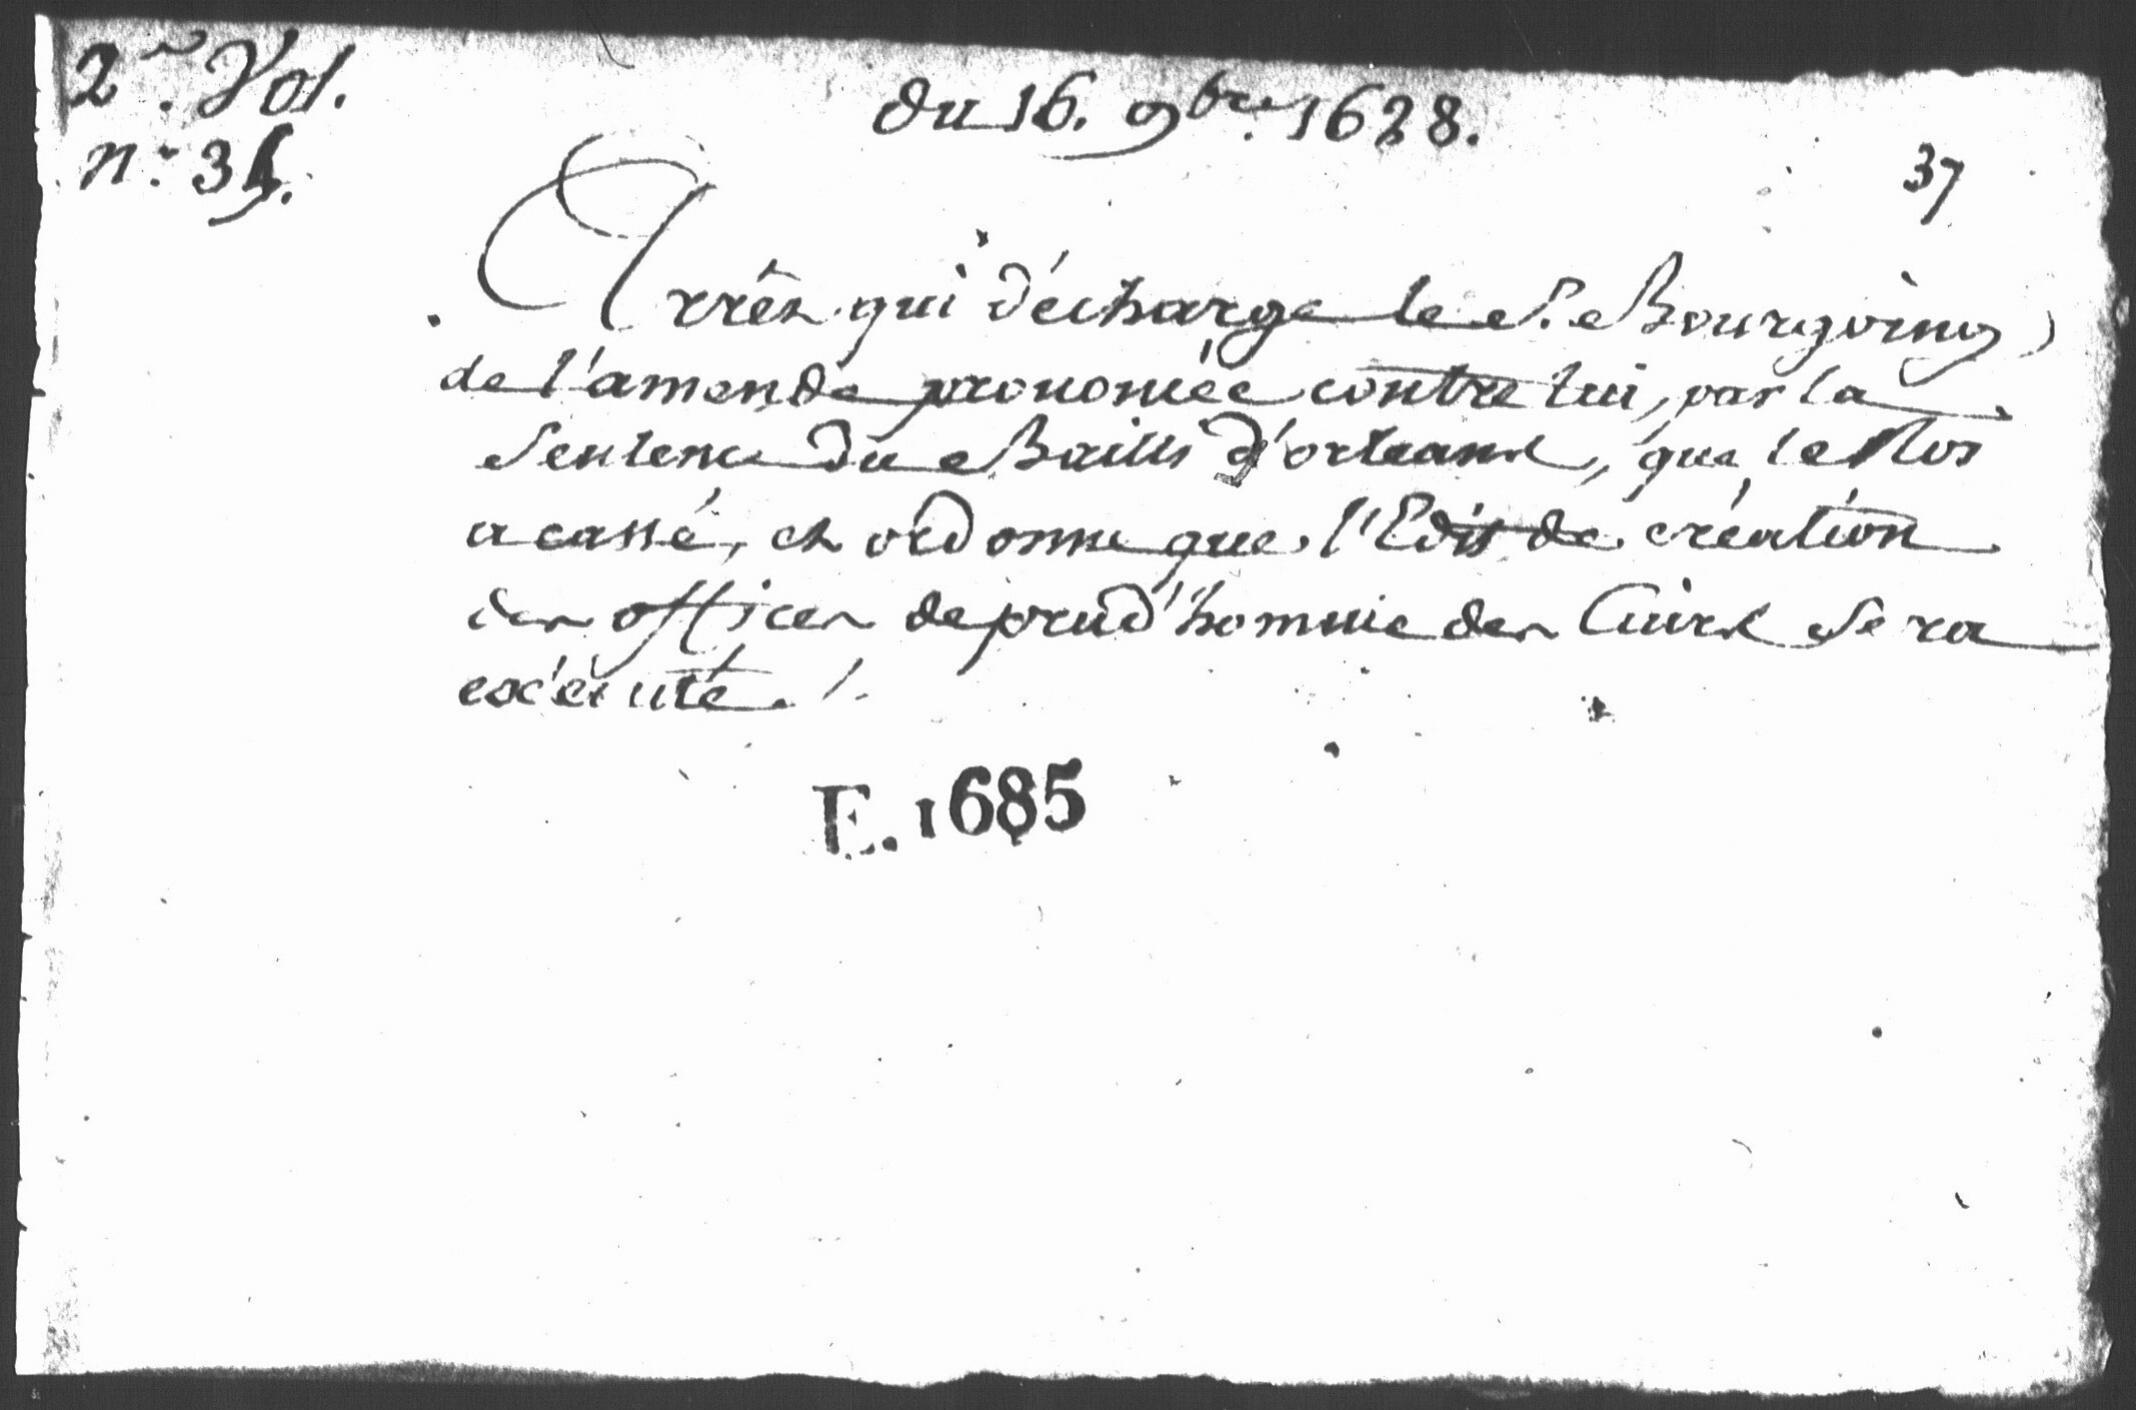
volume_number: n°35
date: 16 novembre 1628
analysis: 37
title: Arrêt qui décharge le S. Bourgoing de l'amende prononcée contre lui par la sentence du Bailli d'Orléans, que le Roi a cassé, et ordonne que l'Edit de création des offices de prud'homme des cuirs sera exécuté.
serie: E
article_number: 1685
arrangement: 2.e vol.
